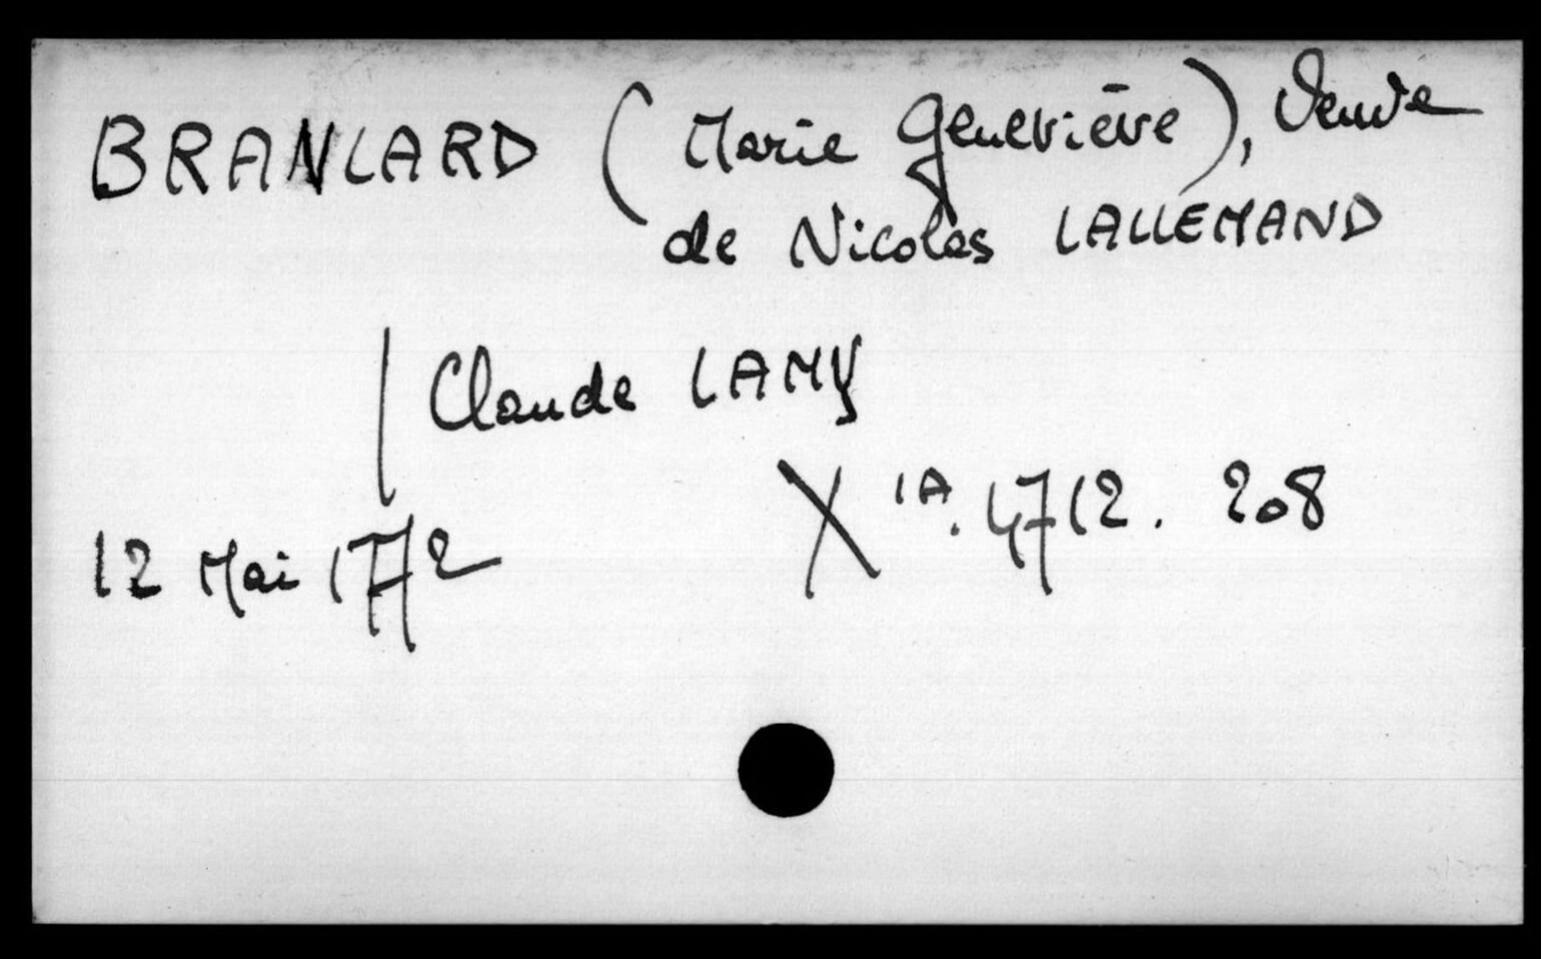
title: BRANLARD (Marie Geneviève), Veuve de Nicoles LALLEMAND
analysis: Contre Claude LAMY
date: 12 mai 1772
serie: X1A
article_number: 4712
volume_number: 208
